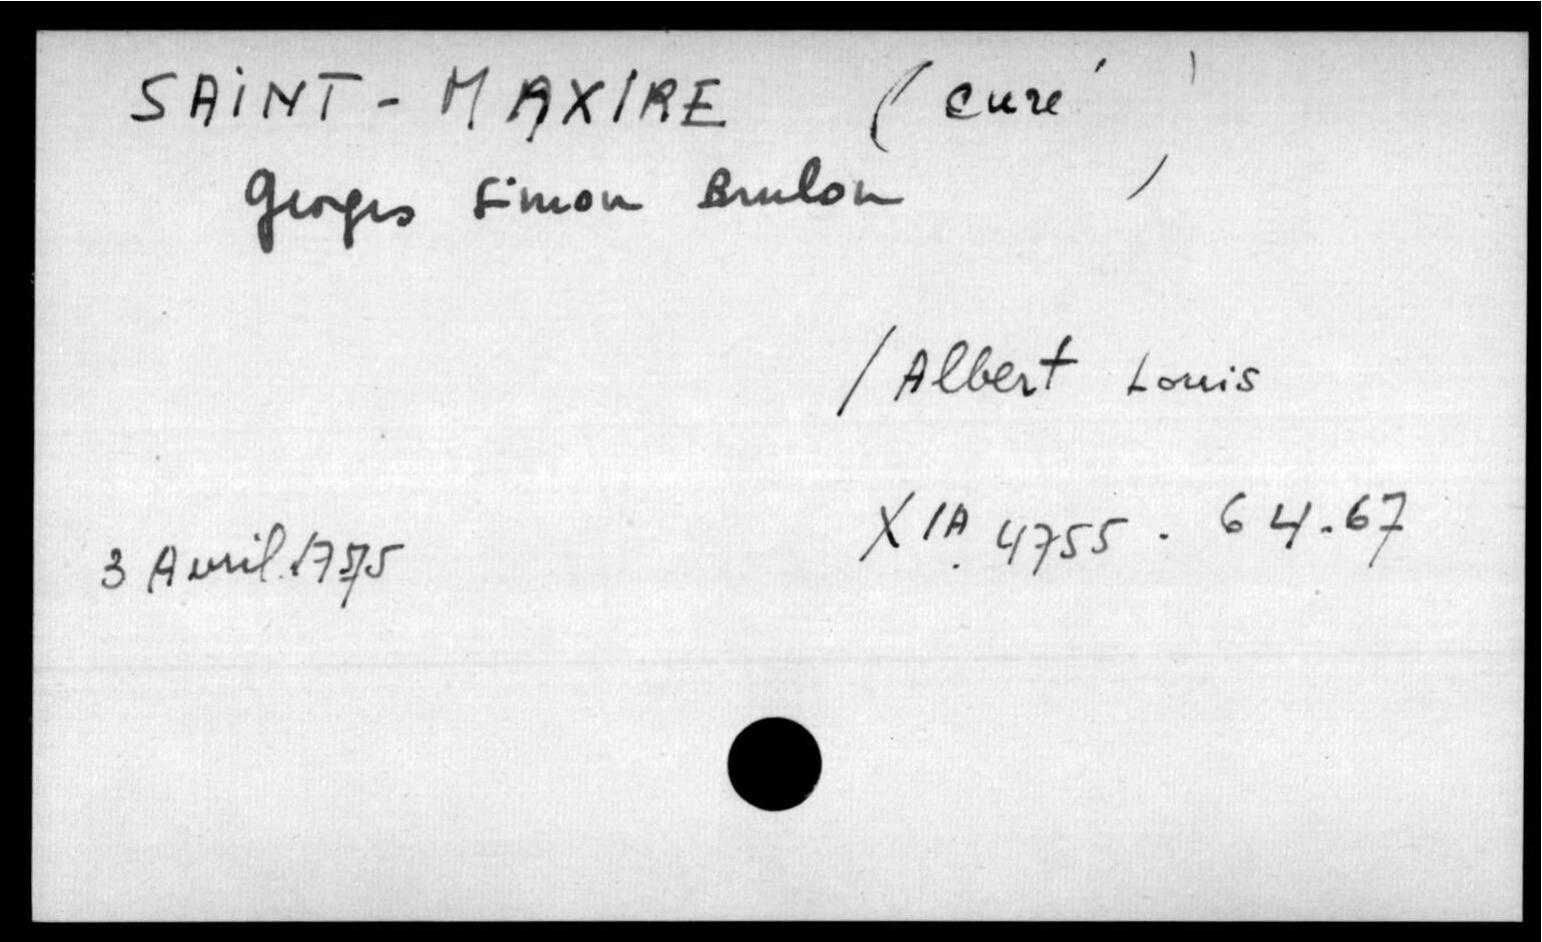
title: SAINT-MAXIRE (Cure Groyers Simon Brulon
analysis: Contre Albert Louis
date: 3 avril 1775
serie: X1A
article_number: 4755
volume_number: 64, 67
